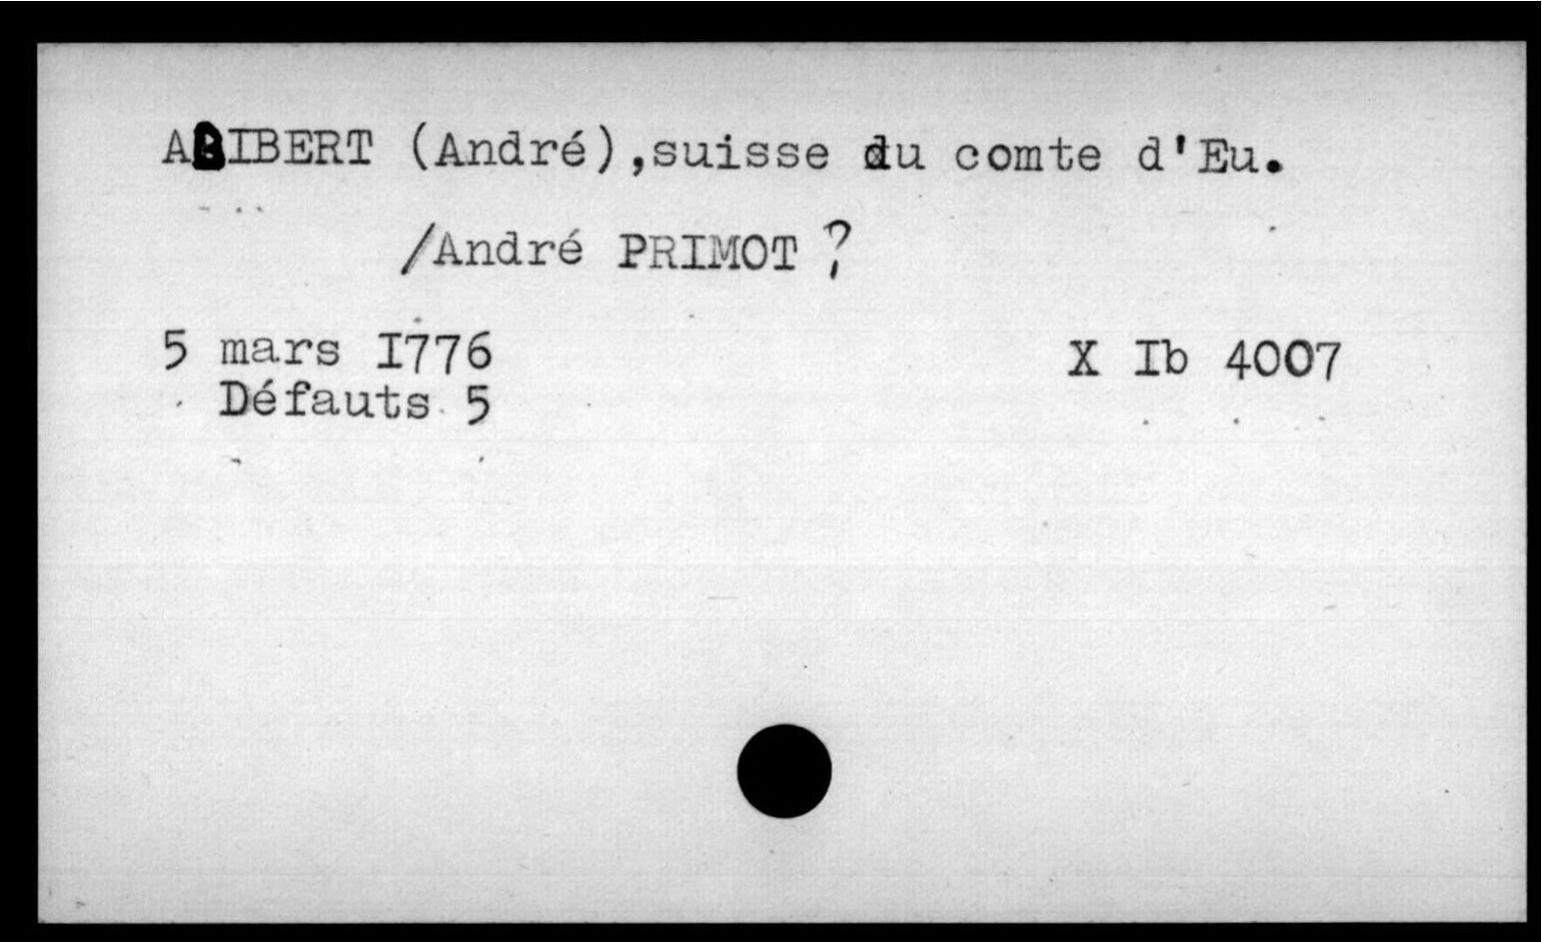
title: ABIBERT (André), suisse du comte d'Eu
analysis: Contre André PRIMOT?
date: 5 mars 1776
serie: X1b
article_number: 4007
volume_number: Défauts, 5
